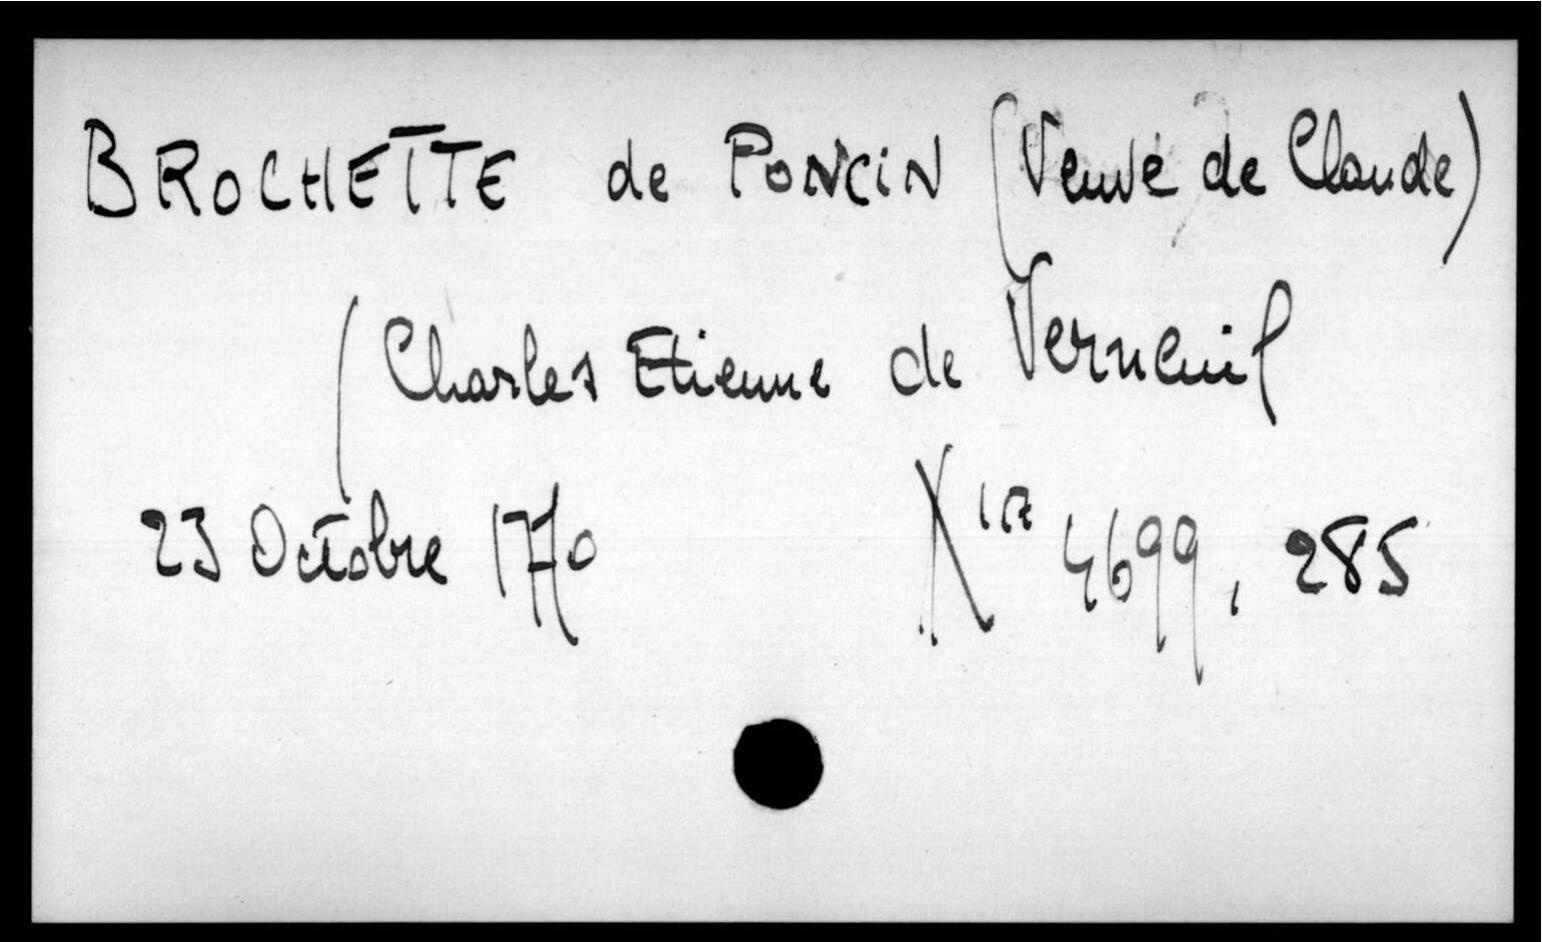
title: BROCHETTE de PONCIN (Veuve de Claude)
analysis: Contre Charles Étienne de Verneuil
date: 23 octobre 1770
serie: X1A
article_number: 4699
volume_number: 285
